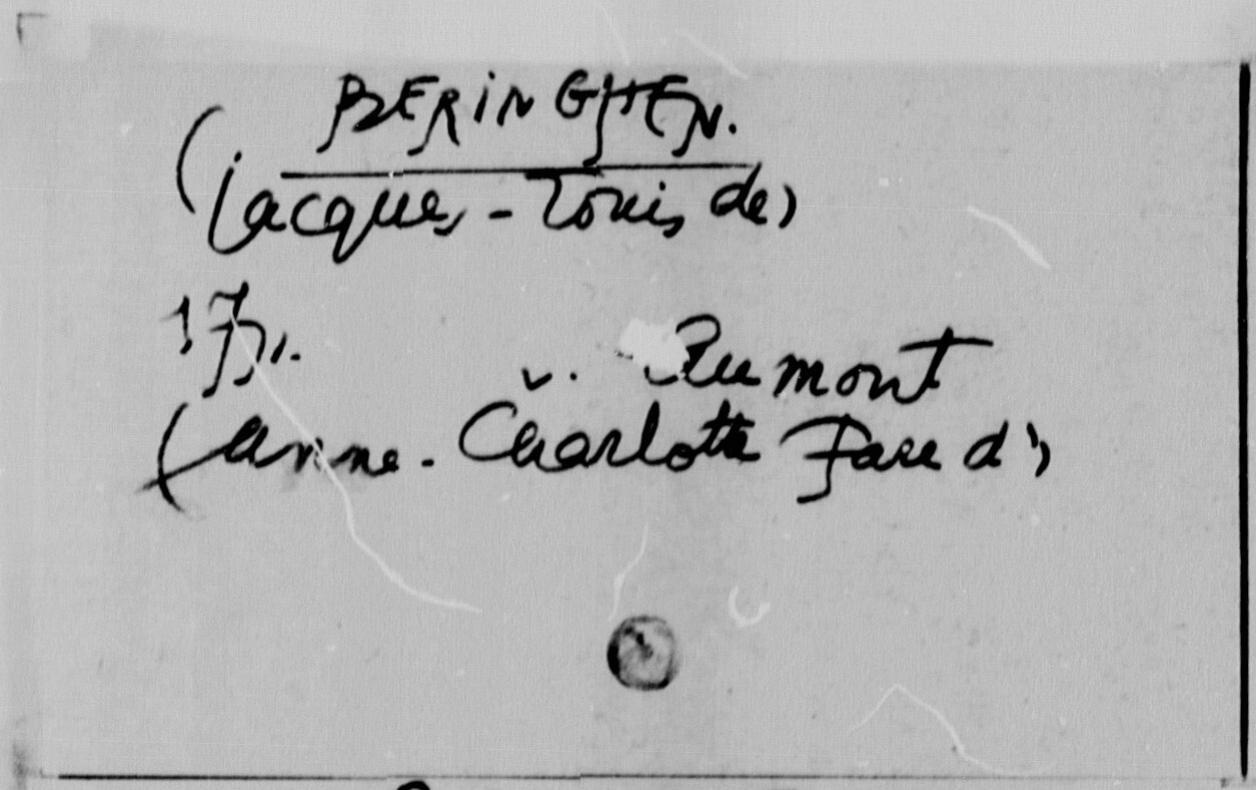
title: BERINGHEN (Jacques-Louis de)
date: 1701
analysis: Voir Aumont (Anne-Charlotte Fare d')
